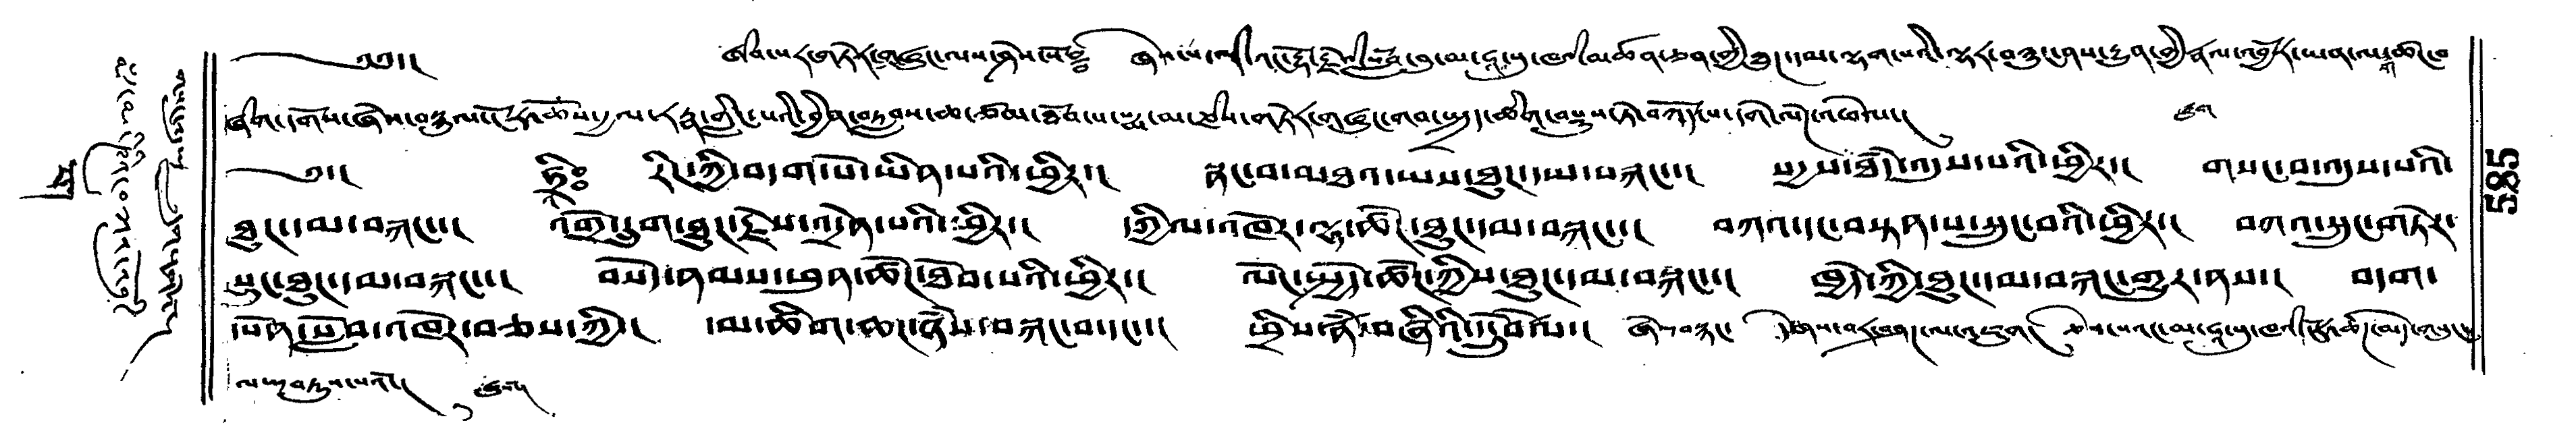ཞིབ་པར་གཏེར་གཞུང་ལས་ཤེས་སོ། ཞེས་པ་འདིའང་རྡོ་རྗེའི་སློབ་བུ་མ་ཧཱ་སུ་ཁའི་མཚན་ཅན་གྱི་ཐུགས་དམ་ལྷག་པའི་ལྷར་བཟུང་ནས་རྒྱུན་གྱི་རྣལ་འབྱོར་ཡན་ལག་ཚང་བ་
ཞིག་དགོས་ཞེས་བསྐུལ་ངོ་ཆོས་རྒྱལ་རཏྣ་གླིང་པའི་བྱིན་རླབས་ཆ་ཙམ་ཐོབ་པ་པདྨ་མ་ཎིས་གཏེར་གཞུང་གབ་སྤྲད་ཚིག་བསྡུས་ཏེ་བཀོད་པ་དགེ་ལེགས་འཕེལ།། 
༄། ཧྲཱི༔ རིགས་ཀྱི་བདག་པོ་ཡིན་པའི་ཕྱིར། །སྣང་བ་མཐའ་ཡས་ཐུགས་དམ་བསྐང་། སངས་རྒྱས་ཐམས་ཅད་འདུས་པའི་ཕྱིར། །གསང་བ་འདུས་པའི་
ཐུགས་དམ་བསྐང་། །འགྲོ་དྲུག་ཐུགས་རྗེས་འདྲེན་པའི་ཕྱིར། །དཀྱིལ་འཁོར་ལྷ་ཚོགས་ཐུགས་དམ་བསྐང་། །བཀའ་དང་བསྟན་པ་སྲུང་བའི་ཕྱིར། །བཀའ་སྲུང་གཏེར་
སྲུང་ཐུགས་དམ་བསྐང་། །བསོད་ནམས་ཕུན་ཚོགས་ཐོབ་པའི་ཕྱིར། །ལོངས་སྤྱོད་ཚོགས་ཀྱིས་ཐུགས་དམ་བསྐང་། ཁྱེད་ཀྱི་ཐུགས་དམ་བསྐང་གྱུར་ནས། །བདག་
དཔོན་སློབ་འཁོར་བཅས་ཀྱི། །དམ་ཚིག་ཆགས་ཉམས་བསྐང་བ་དང་། །ཕྲིན་ལས་རྣམ་བཞིའི་དངོས་གྲུབ་སྩོལ། ཞེས་བསྐང་། དེ་ནས་བར་བཤགས་ལ་འཇུག ཅེས་པའང་མ་ཧཱ་སུ་ཁའི་ངོར་ཆགས་མེད་གསུང་
ལས་བཏུས་པའོ།། དགེའོ།།